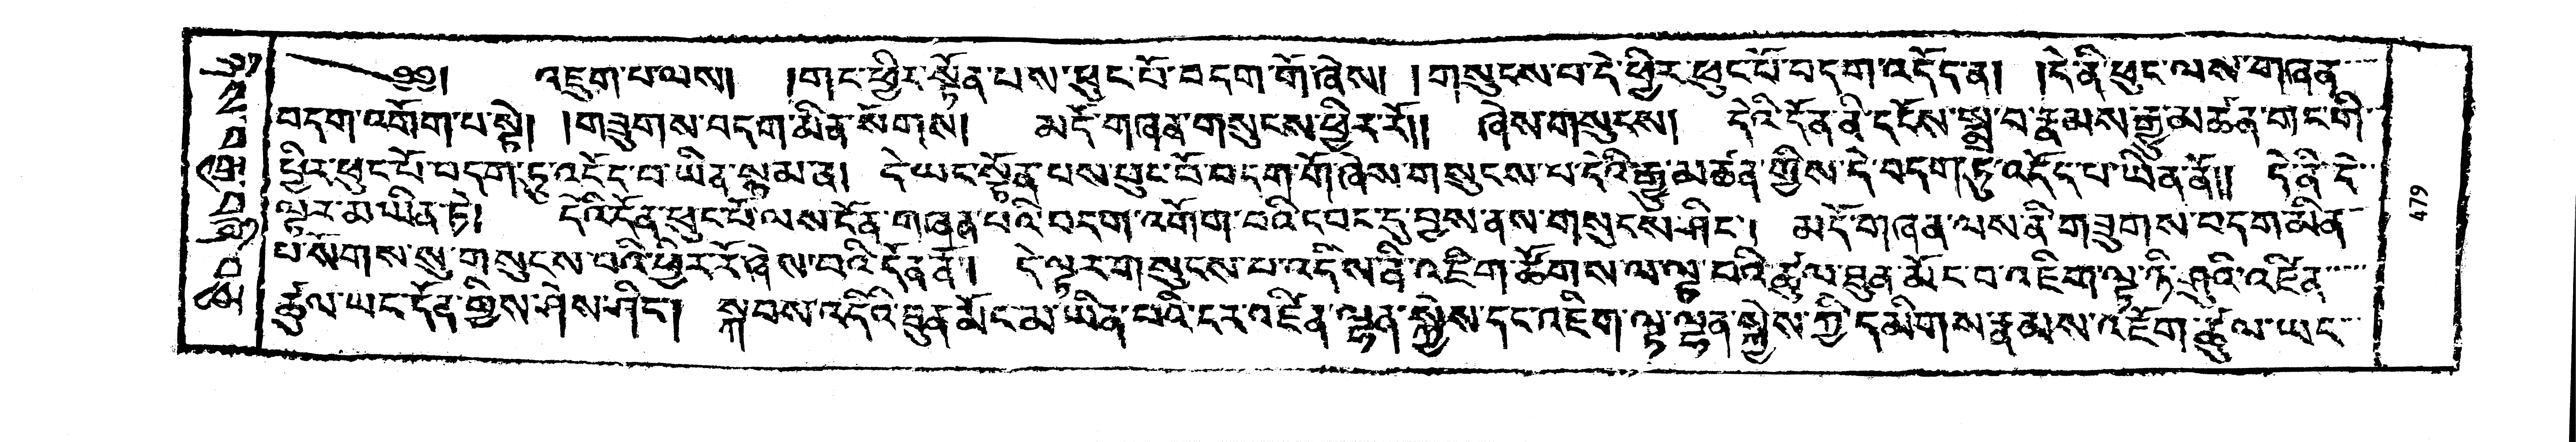༄༅། །འཇུག་པ་ལས། །གང་ཕྱིར་སྟོན་པས་ཕུང་པོ་བདག་གོ་ཞེས། །གསུངས་པ་དེ་ཕྱིར་ཕུང་པོ་བདག་འདོད་ན། །དེ་ནི་ཕུང་ལས་གཞན་
བདག་འགོག་པ་སྟེ། །གཟུགས་བདག་མིན་སོགས། མདོ་གཞན་གསུངས་ཕྱིར་རོ།། ཞེས་གསུངས། དེའི་དོན་ནི་དངོས་སྨྲ་བ་རྣམས་རྒྱུ་མཚན་གང་གི་
ཕྱིར་ཕུང་པོ་བདག་ཏུ་འདོད་པ་ཡིན་སྙམ་ན། དེ་ཡང་སྟོན་པས་ཕུང་པོ་བདག་གོ་ཞེས་གསུངས་པ་དེའི་རྒྱུ་མཚན་གྱིས་དེ་བདག་ཏུ་འདོད་པ་ཡིན་ནོ།། དེ་ནི་དེ་
ལྟར་མ་ཡིན་ཏེ། དེའི་དོན་ཕུང་པོ་ལས་དོན་གཞན་པའི་བདག་འགོག་པའི་དབང་དུ་བྱས་ནས་གསུངས་ཤིང་། མདོ་གཞན་ལས་ནི་གཟུགས་བདག་མིན་
པ་སོགས་སུ་གསུངས་པའི་ཕྱིར་རོ་ཞེས་པའི་དོན་ནོ། དེ་ལྟར་གསུངས་པ་འདིས་ནི་འཇིག་ཚོགས་ལ་ལྟ་བའི་ཚུལ་ཐུན་མོང་བ་འཇིག་ལྟ་ཉི་ཤུའི་འཛིན་
ཚུལ་ཡང་དོན་གྱིས་ཤེས་ཤིང་། སྐབས་འདིའི་ཐུན་མོང་མ་ཡིན་པའི་ངར་འཛིན་ལྷན་སྐྱེས་དང་འཇིག་ལྟ་ལྷན་སྐྱེས་ཀྱི་དམིགས་རྣམས་འཇོག་ཚུལ་ཡང་